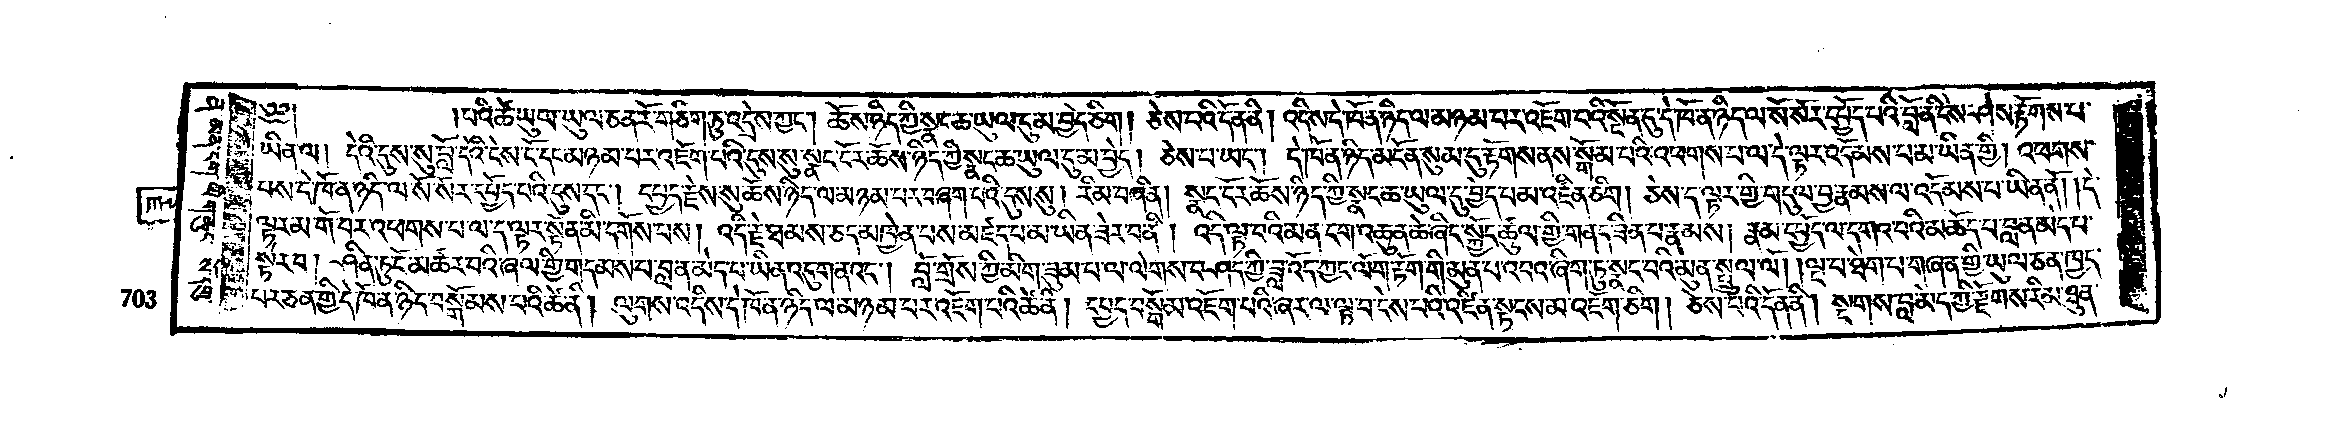༄༅། །པའི་ཚེ་ཡུལ་ཡུལ་ཅན་རོ་གཅིག་ཏུ་འདྲེས་ཀྱང་། ཆོས་ཉིད་ཀྱི་སྣང་ཆ་ཡུལ་དུ་མ་བྱེད་ཅིག །ཅེས་པའི་དོན་ནི། འདིས་དེ་ཁོ་ན་ཉིད་ལ་མཉམ་པར་འཇོག་པའི་སྔོན་དུ་དེ་ཁོ་ན་ཉིད་ལ་སོ་སོར་དཔྱོད་པའི་བློ་ནི་ངེས་ཤེས་རྟོགས་པ་
ཡིན་ལ། དེའི་དུས་སུ་བློ་དེའི་ངེས་དོ་དང་མཉམ་པར་འཇོག་པའི་དུས་སུ་སྣང་ངོར་ཆོས་ཉིད་ཀྱི་སྣང་ཆ་ཡུལ་དུ་མ་བྱེད། ཅེས་པ་ཡང་། དེ་ཁོ་ན་ཉིད་མངོན་སུམ་དུ་རྟོགས་ནས་སྒོམ་པའི་འཕགས་པ་ལ་དེ་ལྟར་འདོམས་པ་མ་ཡིན་གྱི། འཕགས་
པས་དེ་ཁོ་ན་ཉིད་ལ་སོ་སོར་དཔྱོད་པའི་དུས་དང་། དཔྱད་རྗེས་སུ་ཆོས་ཉིད་ལ་མཉམ་པར་བཞག་པའི་དུས་སུ། རིམ་བཞིན། སྣང་ངོར་ཆོས་ཉིད་ཀྱི་སྣང་ཆ་ཡུལ་དུ་བྱེད་པ་མ་འཛིན་ཅིག །ཅེས་ད་ལྟར་གྱི་གདུལ་བྱ་རྣམས་ལ་འདོམས་པ་ཡིན་ནོ། །དེ་
ལྟར་མ་གོ་བར་འཕགས་པ་ལ་དེ་ལྟར་སྟོན་མི་དགོས་པས། འདི་རྗེ་ཐམས་ཅད་མཁྱེན་པས་མཛད་པ་མ་ཡིན་ཟེར་བ་ནི། འདི་ལྟ་བའི་མན་ངག་འཆུན་ཆེ་ཞིང་སྐྱོང་ཚུལ་གྱི་གནད་ཟིན་པ་རྣམས། རྣམ་དཔྱོད་ལ་དགའ་བའི་མཆོད་པ་བླ་ན་མེད་པ་
སྟེར་བ། ཤིན་ཏུ་ངོ་མཚར་བའི་ཞལ་གྱི་གདམས་པ་བླ་ན་མེད་པ་ཡིན་འདུག་ནའང་། བློ་གྲོས་ཀྱི་མིག་ཟུམ་པ་ལ་ལེགས་བཤད་ཀྱི་ཟླ་འོད་ཀྱང་ལོག་རྟོག་གི་མུན་པ་འབའ་ཞིག་ཏུ་སྣང་བའི་མུན་སྤྲུལ་ལོ། །ལྔ་པ་ཐེག་པ་གཞན་གྱི་ཡུལ་ཅན་ཁྱད་
པར་ཅན་གྱི་དེ་ཁོ་ན་ཉིད་བསྒོམས་པའི་ཚེ་ནི། ལུགས་འདིས་དེ་ཁོ་ན་ཉིད་ལ་མཉམ་པར་འཇོག་པའི་ཚེ་ནི། དཔྱད་བསྒོམ་འཇོག་པའི་ཞར་ལ་ལྟ་བ་ངེས་པའི་འཛིན་སྟངས་མ་འཇོག་ཅིག །ཅེས་པའི་དོན་ནི། སྔགས་བླ་མེད་ཀྱི་རྫོགས་རིམ་ཐུན་